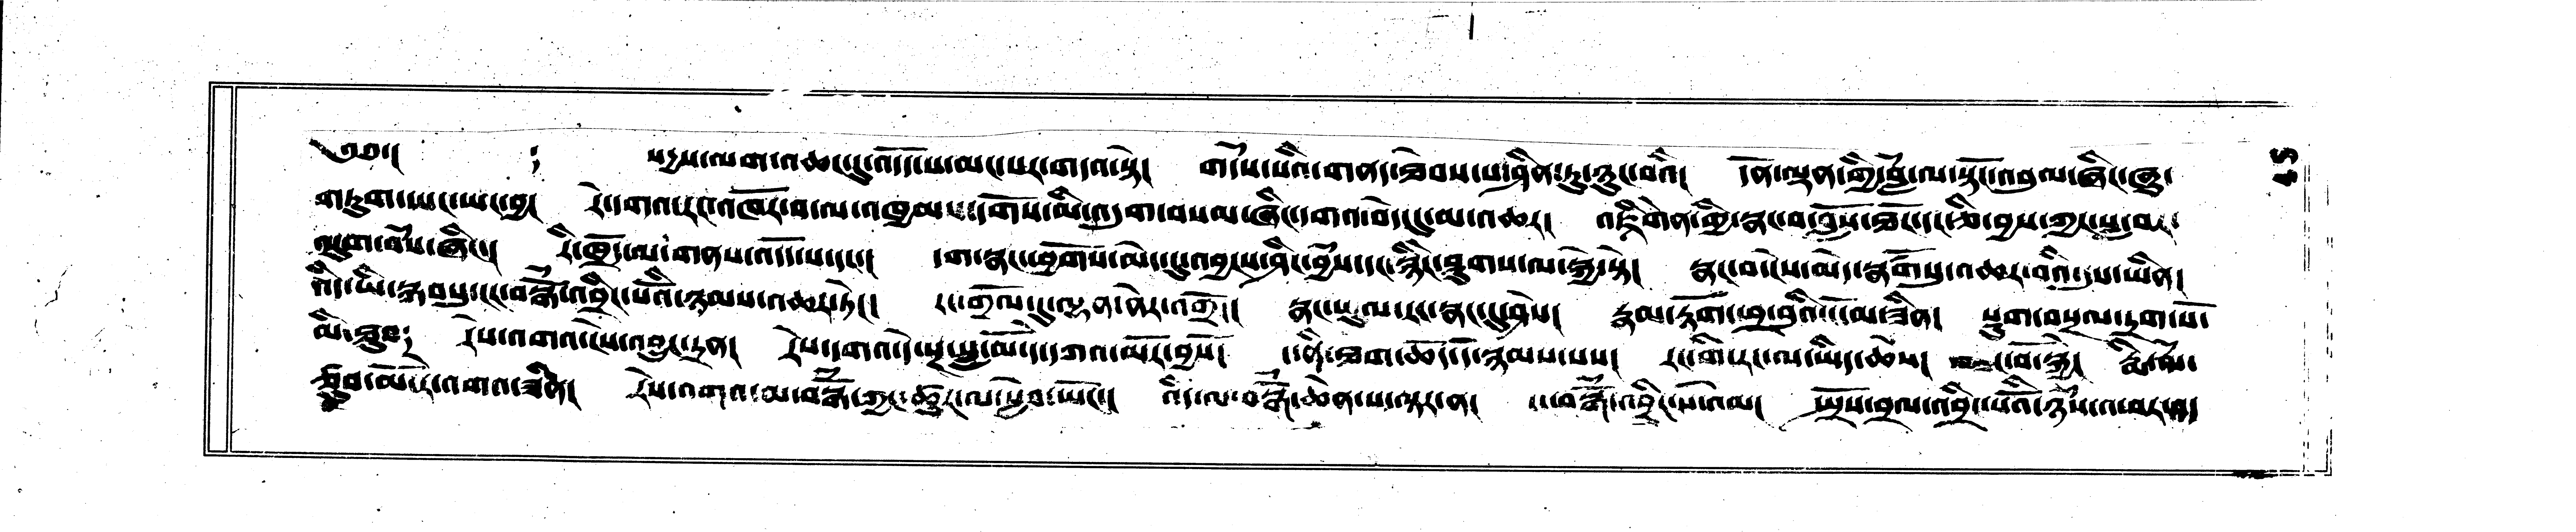སངས་རྒྱས་ལག་འཆང་དུ་འདོད་པ་མང་བར་གདའ་སྟེ། གདམས་པའི་གནད་ཐེབས་པ་ཤིན་ཏུ་ཉུང་བས། དོན་ལྡན་གྱི་བླ་མ་ལ་སྟོང་འབུལ་ཞིང་ཞུ་
གཏུག་ཡང་ཡང་བྱ། རེ་འགའ་རང་འཁོར་བ་ལ་འཁྱམས་དགོས་མི་འདུག་བསམ་ཞིང་དགའ་བདེ་དུ་མ་འཆར། འཇིག་རྟེན་གྱི་སྣང་བ་བློས་ཐོངས་དང་ཅི་བྱས་ཀྱང་སླ་བར་
འདུག་བསམ་ཞིང་། རི་ཁྲོད་ལ་གནས་འདོད་པ་དང་། དག་སྣང་ཕྱོགས་མེད་དུ་འབྱོངས་ཤིང་བྱམས་དང་སྙིང་རྗེ་ཤུགས་ལ་སྐྱེ་སྟེ། སྣང་བ་ངེས་མེད་སྣ་ཚོགས་སུ་འཆར་བའི་དུས་ཡིན། 
འདི་ཡི་སྐབས་སུ་ངང་སྒོམ་འབྲིང་པོའི་ཉམས་འཆར་ཏེ། རང་གྲོལ་དུ་ལྷན་ནེར་འགྲོ། །སྣང་ཡུལ་རང་སྣང་དུ་ཤེས། རྣམ་རྟོག་ཕྲ་བུའི་ངོ་མ་ཟིན། སྡུག་བསྔལ་དྲག་པོ་
མི་ཐུབ། རེས་འགའ་ངེས་འབྱུང་དྲན། རེས་འགའ་དེ་སྔ་སླ་མོ་དེ་དཀའ་མོར་བྱོས། ད་ནི་ཐག་ཆོད་དོ་སྙམ་པས། རང་གིས་རང་ལ་ཡིད་ཆེས། ང་བོ་སྐྱེ། རྨི་ལམ་
རྩུབ་མོ་རེ་འགའ་ཟིན། རེས་འགའ་མ་བསྒོམས་ཀྱང་ཚུར་ལ་སླེབས་ཡོང་། འདི་ལ་སྒོམ་ཆེན་པ་ལྟར་ན། ངང་སྒོམ་འབྲིང་པོའམ། སྤྲོས་བྲལ་འབྲིང་པོའི་ཉམས་འཕར་བ་